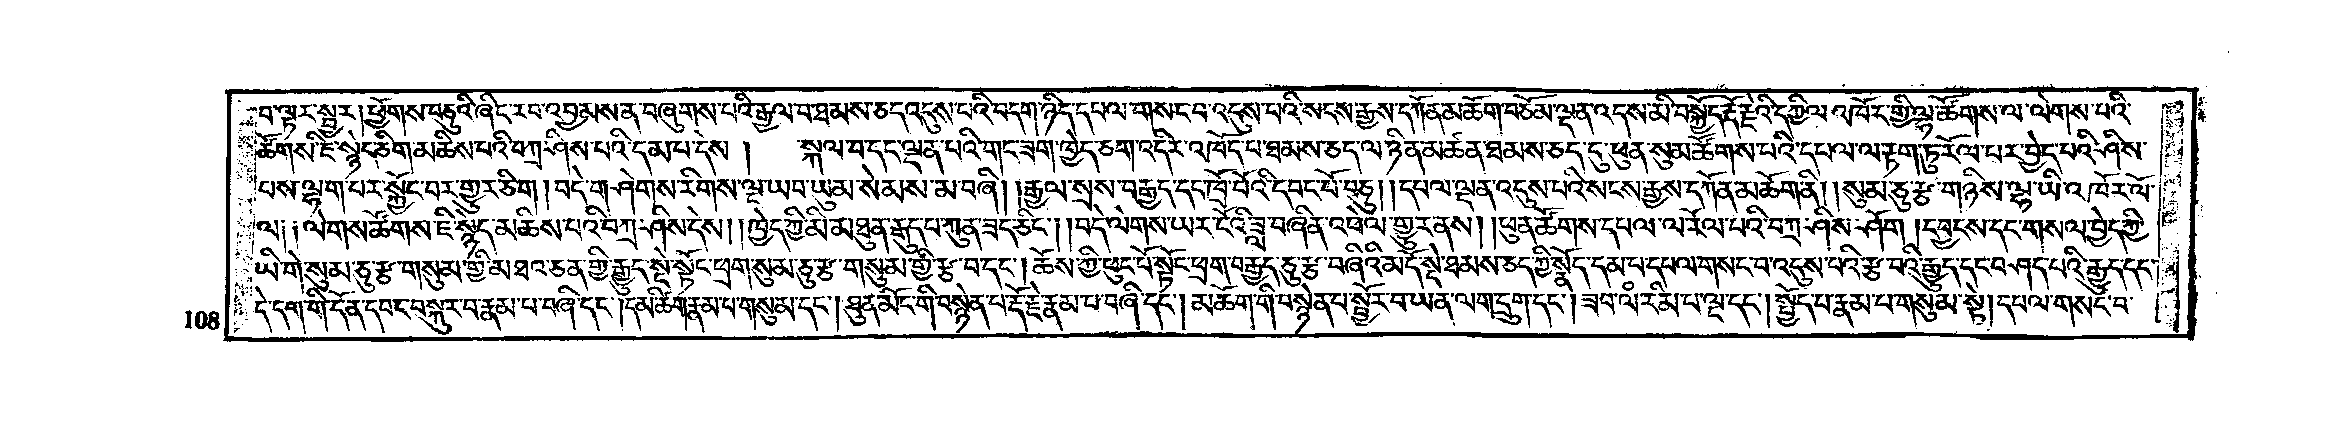བ་ལྟར་སྦྱར། ཕྱོགས་བཅུའི་ཞིང་རབ་འབྱམས་ན་བཞུགས་པའི་རྒྱལ་བ་ཐམས་ཅད་འདུས་པའི་བདག་ཉིད་དཔལ་གསང་བ་འདུས་པའི་སངས་རྒྱས་དཀོན་མཆོག་བཅོམ་ལྡན་འདས་མི་བསྐྱོད་རྡོ་རྗེའི་དཀྱིལ་འཁོར་གྱི་ལྷ་ཚོགས་ལ་ལེགས་པའི་
ཚོགས་ཇི་སྙེད་ཅིག་མཆིས་པའི་བཀྲ་ཤིས་པའི་དམ་པ་དེས། སྐལ་བ་དང་ལྡན་པའི་གང་ཟག་ཁྱེད་ཅག་འདིར་འཁོད་པ་ཐམས་ཅད་ལ་ཉིན་མཚན་ཐམས་ཅད་དུ་ཕུན་སུམ་ཚོགས་པའི་དཔལ་ལ་རྟག་ཏུ་རོལ་པར་བྱེད་པའི་ཤིས་
པས་ལྷག་པར་སྐྱོང་བར་གྱུར་ཅིག །བདེ་གཤེགས་རིགས་ལྔ་ཡབ་ཡུམ་སེམས་མ་བཞི། །རྒྱལ་སྲས་བརྒྱད་དང་ཁྲོ་བོའི་དབང་པོ་བཅུ། །དཔལ་ལྡན་འདུས་པའི་སངས་རྒྱས་དཀོན་མཆོག་ནི། །སུམ་ཅུ་རྩ་གཉིས་ལྷ་ཡི་འཁོར་ལོ་
ལ། །ལེགས་ཚོགས་ཇི་སྙེད་མཆིས་པའི་བཀྲ་ཤིས་དེས། །ཁྱེད་ཀྱི་མི་མཐུན་རྒུད་པ་ཀུན་ཟད་ཅིང་། །བདེ་ལེགས་ཡར་ངོའི་ཟླ་བཞིན་འཕེལ་གྱུར་ནས། །ཕུན་ཚོགས་དཔལ་ལ་རོལ་པའི་བཀྲ་ཤིས་ཤོག །དབྱངས་དང་གསལ་བྱེད་ཀྱི་
ཡི་གེ་སུམ་ཅུ་རྩ་གསུམ་གྱི་མཐའ་ཅན་གྱི་རྒྱུད་སྡེ་སྟོང་ཕྲག་སུམ་ཅུ་རྩ་གསུམ་གྱི་རྩ་བ་དང་། ཆོས་ཀྱི་ཕུང་པོ་སྟོང་ཕྲག་བརྒྱད་ཅུ་རྩ་བཞིའི་མདོ་སྡེ་ཐམས་ཅད་ཀྱི་སྣོད་དམ་པ་དཔལ་གསང་བ་འདུས་པའི་རྩ་བའི་རྒྱུད་དང་བཤད་པའི་རྒྱུད་དང་
དེ་དག་གི་དོན་དབང་བསྐུར་བ་རྣམ་པ་བཞི་དང་། དམ་ཚིག་རྣམ་པ་གསུམ་དང་། ཐུན་མོང་གི་བསྙེན་པ་རྡོ་རྗེ་རྣམ་པ་བཞི་དང་། མཆོག་གི་བསྙེན་པ་སྦྱོར་བ་ཡན་ལག་དྲུག་དང་། ཟབ་ལཾ་རིམ་པ་ལྔ་དང་། སྤྱོད་པ་རྣམ་པ་གསུམ་སྟེ། དཔལ་གསང་བ་